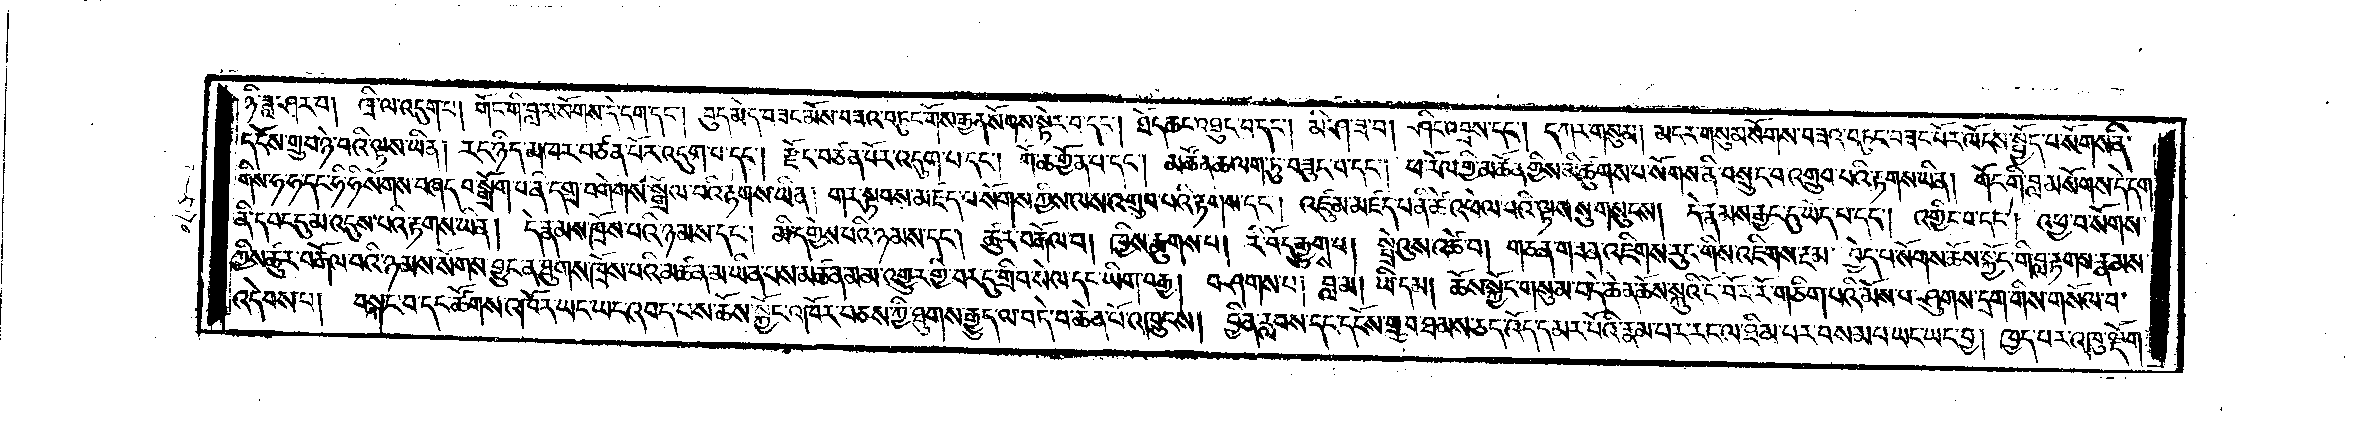ཉི་ཟླ་ཤར་བ། ཁྲི་ལ་འདུག་པ། གོང་གི་བླ་མ་སོགས་དེ་དག་དང་། བུད་མེད་བཟང་མོས་བཟའ་བཏུང་གོས་རྒྱན་སོགས་སྟེར་བ་དང་། ཐོད་ཆང་འཐུང་བ་དང་། མི་ཤ་ཟ་བ། ཤིང་འབྲས་དང་། དཀར་གསུམ། མངར་གསུམ་སོགས་བཟའ་བཏུང་བཟང་པོར་ལོངས་སྤྱོད་པ་སོགས་ནི་
དངོས་གྲུབ་ཉེ་བའི་ལྟས་ཡིན། རང་ཉིད་མཁར་བཙན་པོར་འདུག་པ་དང་། རྫོང་བཙན་པོར་འདུག་པ་དང་། གོ་ཆ་གྱོན་པ་དང་། མཚོན་ཆ་ལག་ཏུ་བཟུང་བ་དང་། ཕ་རོལ་གྱི་མཚོན་གྱིས་མི་ཚུགས་པ་སོགས་ནི་བསྲུང་བ་འགྲུབ་པའི་རྟགས་ཡིན། གོང་གི་བླ་མ་སོགས་དེ་དག་
གིས་ཧ་ཧ་དང་ཧི་ཧི་སོགས་བཞད་བ་སྒྲོག་པ་ནི་དགྲ་བགེགས་སྒྲོལ་བའི་རྟགས་ཡིན། གར་སྟབས་མཛད་པ་སོགས་ཀྱིས་ལས་འགྲུབ་པའི་རྟགས་དང་། འཛུམ་མཛད་པ་ནི་ཚེ་འཕེལ་བའི་ལྟས་སུ་གསུངས། དེ་རྣམས་རྒྱང་དུ་ཡོད་པ་དང་། འགྱིང་བ་དང་། འཕྱ་བ་སོགས་
ནི་དབང་དུ་མ་འདུས་པའི་རྟགས་ཡིན། དེ་རྣམས་ཁྲོས་པའི་ཉམས་དང་། མི་དགྱེས་པའི་ཉམས་དང་། ཚུར་བརྒོལ་བ། ཁྱིས་རྨུགས་པ། རི་བོང་རྒྱུགས་པ། སྤྲེའུས་འཚེ་བ། གཅན་གཟན་འཇིགས་རུང་གིས་འཇིགས་རྔམ་བྱེད་པ་སོགས་ཆོས་སྐྱོང་གི་བླ་རྟགས་རྣམ་
ཀྱིས་ཚུར་བརྒོལ་བའི་ཉམས་སོགས་བྱུང་ན་ཐུགས་ཁྲོས་པའི་མཚན་མ་ཡིན་པས་མཚན་མ་མ་འགྱུར་གྱི་བར་དུ་གྲིབ་སེལ་དང་ཡིག་བརྒྱ། བཤགས་པ། བླ་མ། ཡི་དམ། ཆོས་སྐྱོང་གསུམ་བདེ་ཆེན་ཆོས་སྐུའི་ངོ་བོར་རོ་གཅིག་པའི་མོས་པ་ཤུགས་དྲག་གིས་གསོལ་བ་
འདེབས་བ། བསྐང་བ་དང་ཚོགས་འཁོར་ཡང་ཡང་འབད་བས་ཆོས་སྐྱོང་འཁོར་བཅས་ཀྱི་ཐུགས་རྒྱུད་ལ་བདེ་བ་ཆེན་པོ་འཁྲུངས། བྱིན་རླབས་དང་དངོས་གྲུབ་ཐམས་ཅད་འོད་དམར་པོའི་རྣམ་པར་རང་ལ་ཐིམ་པར་བསམ་པ་ཡང་ཡང་བྱ། ཁྱད་པར་འཁུ་ལྡོག་